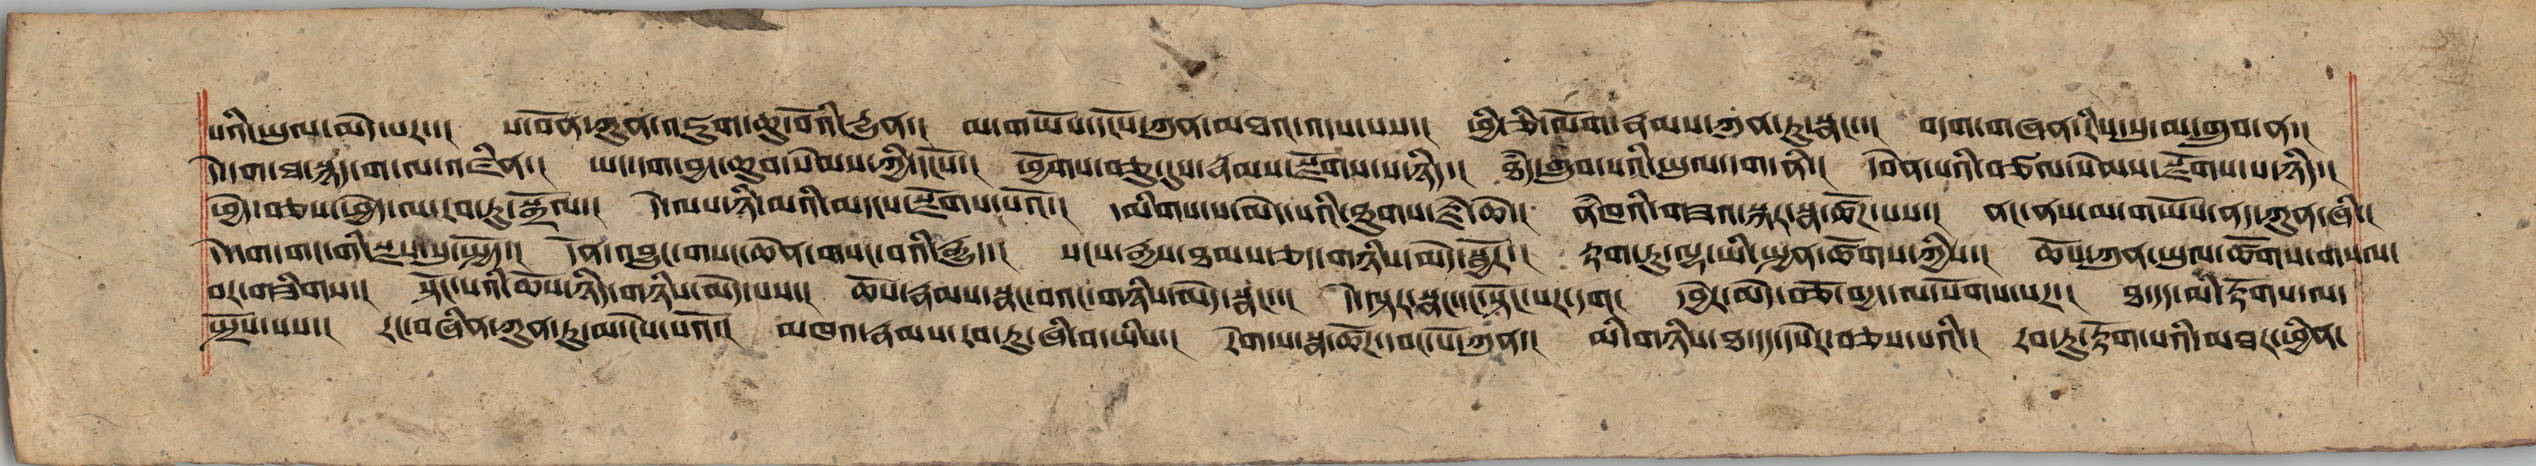པའི་ཡུལ་མེད་པར་། ས་བོན་ཀུན་འཇུག་ཆུ་བོའི་དྱུན་། མ་གཡོས་དངོས་ཀུན་མཐའ་འདས་པས་། ཕྱི་ཅི་ལོག་རྣམས་ཀུན་ཏུ་སྣང་་། བདག་གཞན་རིས་སུ་མ་གྲུབ་ན་།
དེ་དག་ཐ་སྙད་ག་ལ་འཛིན་། ཡང་དག་བྱང་ཆུབ་སེམས་ཀྱི་དངོས་། ཕྱོགས་བཅུ་དུས་རྣམས་སྫོགས་པ་ཉིད་། ཐདཾ་གྲུབ་པའི་ཡུལ་དག་ནི་། དབེན་པའི་བཙལ་སེམ་སསྫོགས་པ་ཉིད་།
ཕྱེད་བཅས་ཕྱེད་ལ་རབ་ཏུ་སྒྲོལ་། དེ་ལས་ཉི་མའི་མདངས་སྫོགས་པའོ་། དམིགས་པ་མེད་པའི་ཐུགས་རྗེ་ཆེ་། ནཾཁའི་གཟའ་སྐར་སྣ་ཚོཌ་པས་། ནང་ནས་མ་གཡོས་ནད་ཀུན་ཞི་།
དེ་དག་གང་གི་སྫས་སུ་སྤྱོད་། དོན་འབྱུང་གསང་ཆེན་གསང་བའི་རྒྱུད་། སངས་རྒྱས་ཐམས་ཅད་གཉིས་མེད་སྦྱོར་། རྟག་ཏུ་ལྷ་ཡི་སྤྱན་ཚོགས་ཀྱིས་། ཆོས་ཀུན་ཡུལ་ཚོགས་གསལ་
བར་གཟིགས་། སྟོང་པའི་ཆོས་ཉིད་གཉིས་མེད་པས་། ཆོས་རྣམས་སྣང་བའང་གཉིད་མེད་སྣང་། དེ་ལྟར་སྣང་དང་སྟོང་པར་དག། དབྱེར་མེད་བཅོ་བདྱད་ལ་སོགས་པར་། ཐ་དད་མི་རྟོགས་ལ་
སྤྲོས་པས་། རང་བཞིན་ཀུན་ཏུ་མ་ངེས་པའོ་། མཁས་རྣམས་རབ་ཏུ་ཞི་བ་ཡིས་། རེག་པ་སྣ་ཚོཌ་དབང་པོ་ཀུན་། མི་གཉིས་ཐ་དད་དཔེར་བཅས་པའི་། རབ་ཏུ་རྟོག་པའི་མཐར་ཕྱིན་